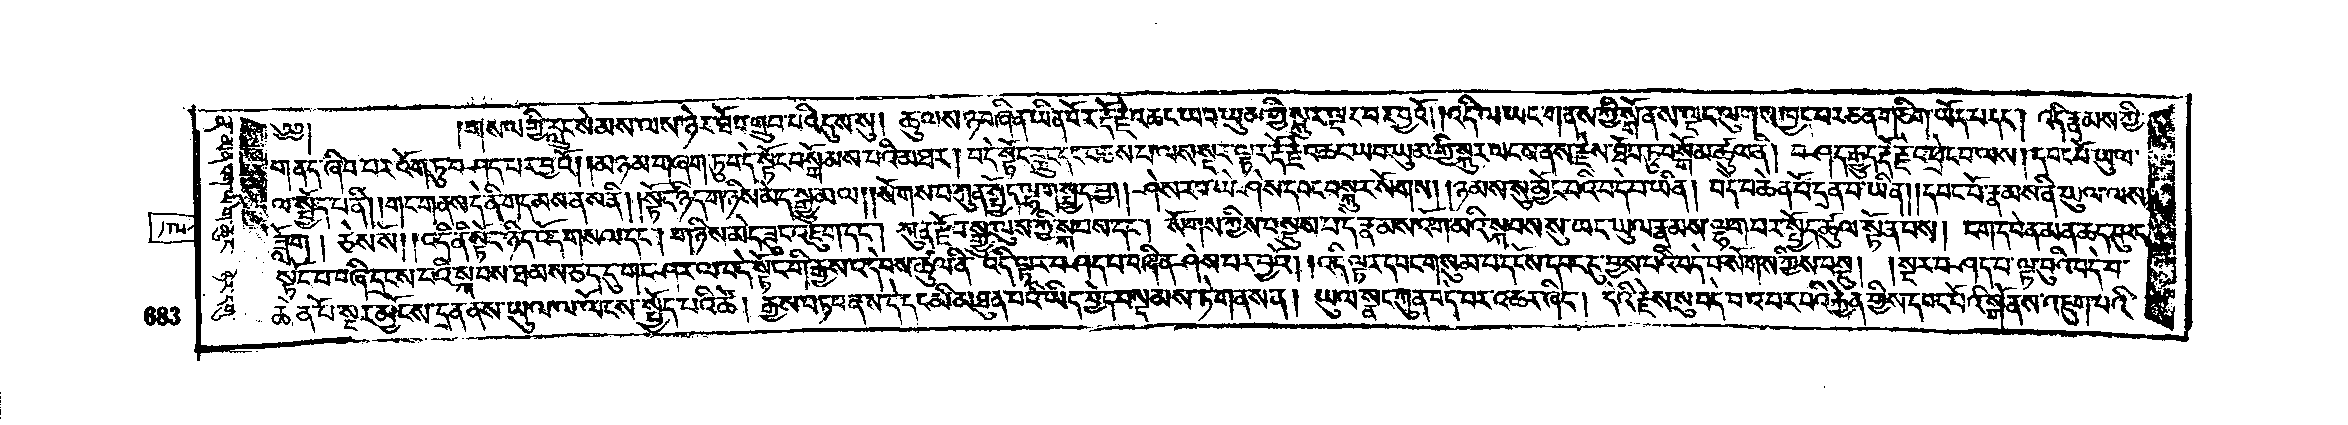༄༅། །གསལ་གྱི་རླུང་སེམས་ལས་ཉེར་ཐོབ་གྲུབ་པའི་དུས་སུ། ཆུ་ལས་ཉ་བཞིན་ཡིད་ངོར་རྡོ་རྗེ་འཆང་ཡབ་ཡུམ་གྱི་སྐུར་ལྡང་བར་བྱའོ། །འདི་ལ་ཡང་གནས་ཀྱི་སྒོ་ནས་ལྡང་ལུགས་ཁྱད་པར་ཅན་གཅིག་ཡོད་པ་དང་། འདི་རྣམས་ཀྱི་
གནད་ཞིབ་པར་འོག་ཏུ་བཤད་པར་བྱའོ། །མཉམ་གཞག་ཏུ་བདེ་སྟོང་བསྒོམས་པའི་མཐར། བདེ་སྟོང་རླུང་དང་བཅས་པ་ལས་སྔར་ལྟར་རྡོ་རྗེ་འཆང་ཡབ་ཡུམ་གྱི་སྐུར་ལངས་ནས་རྗེས་ཐོབ་ཏུ་བསྒོམ་ཚུལ་ནི། བཤད་རྒྱུད་རྡོ་རྗེ་འཕྲེང་བ་ལས། དབང་པོ་ཡུལ་
ལ་སྤྱོད་པ་ནི། །གང་གནས་དེ་ནི་གདམས་ནས་ནི། །སྟོང་ཉིད་གཉིས་མེད་སྒྱུ་མ་ལ། །སོགས་པ་ཀུན་སྤྱོད་ལྷག་སྤྱད་བྱ། །ཤེས་རབ་ཡེ་ཤེས་དབང་བསྐུར་སོགས། །ཉམས་སུ་མྱོང་བའི་བདེ་བ་ཡིན། བདེ་བ་ཆེན་པོ་དྲན་པ་ཡིན། །དབང་པོ་རྣམས་ནི་ཡུལ་ལས་
ཟློག །ཅེས་སོ། །འདི་ནི་སྟོང་ཉིད་འོད་གསལ་དང་། གཉིས་མེད་ཟུང་འཇུག་དང་། ཀུན་རྫོབ་སྒྱུ་ལུས་ཀྱི་སྐབས་དང་། སོགས་ཀྱིས་བསྡུས་པ་དེ་རྣམས་འོག་མའི་སྐབས་སུ་ཡང་ཡུལ་རྣམས་ལྷག་པར་སྤྱོད་ཚུལ་སྟོན་པས། ངག་དབེན་མན་ཆད་དུའང་
སྟོང་པ་བཞི་དྲངས་པའི་སྐབས་ཐམས་ཅད་དུ་གང་ཤར་ལ་བདེ་སྟོང་གི་རྒྱས་འདེབས་ཚུལ་ནི་འདི་ལྟར་བཤད་པ་བཞིན་ཤེས་པར་བྱའོ། །འདི་ལྟར་དབང་གསུམ་པ་དངོས་དབང་དུ་བྱས་པའི་བདེ་བ་སོགས་ཀྱིས་བསྡུ། །སྔར་བཤད་པ་ལྟ་བུའི་བདེ་བ་
ཆེན་པོ་སྔར་མྱོངས་དྲན་ནས་ཡུལ་ལ་ལོངས་སྤྱོད་པའི་ཚེ། རྒྱས་བཏབ་ནས་དེ་དང་མི་མཐུན་པའི་ཡིད་བྱེད་བསྡམས་ཏེ་གནས་ན། ཡུལ་སྣང་ཀུན་བདེ་བར་འཆར་ཞིང་། དེའི་རྗེས་སུ་བདེ་བ་འབར་བའི་རྐྱེན་གྱིས་དབང་པོའི་སྒོ་ནས་འཇུག་པའི་